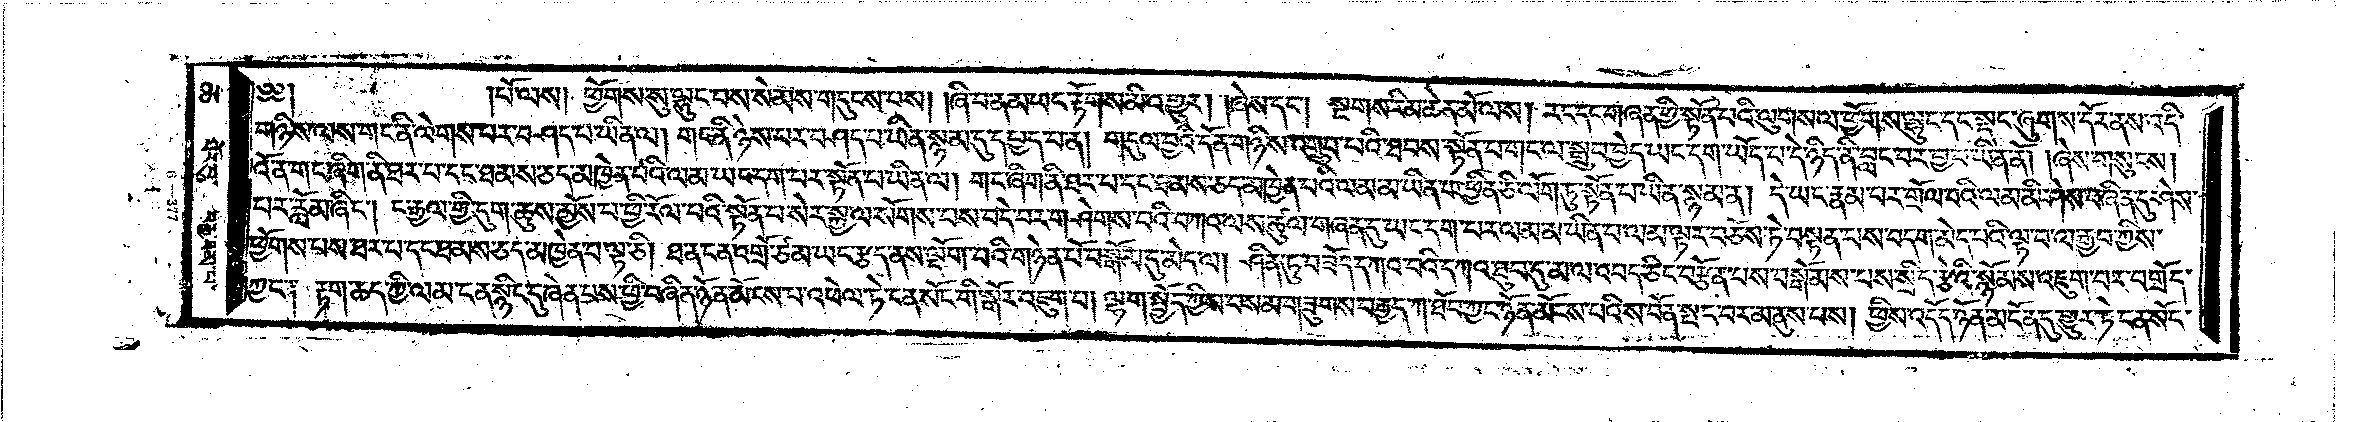༄༅། །པོ་ལས། ཕྱོགས་སུ་ལྷུང་བས་སེམས་གདུངས་པས། །ཞི་བ་ནམ་ཡང་རྟོགས་མི་འགྱུར། །ཞེས་དང་། སྔགས་རིམ་ཆེན་མོ་ལས། རང་དང་གཞན་གྱི་སྟོན་པའི་ལུགས་ལ་ཕྱོགས་ལྷུང་དང་སྡང་ཞུགས་དོར་ནས་འདི་
གཉིས་ལས་གང་ནི་ལེགས་པར་བཤད་པ་ཡིན་ལ། གང་ནི་ཉེས་པར་བཤད་པ་ཡིན་སྙམ་དུ་དཔྱད་བ་ན། གདུལ་བྱའི་དོན་གཉིས་འགྲུབ་པའི་ཐབས་སྟོན་པ་གང་ལ་སྒྲུབ་བྱེད་ཡང་དག་ཡོད་པ་དེ་ཉིད་ནི་བླང་བར་བྱ་བ་ཡིན་ནོ། །ཞེས་གསུངས།
འོ་ན་གང་ཞིག་ནི་ཐར་པ་དང་ཐམས་ཅད་མཁྱེན་པའི་ལམ་ཡང་དག་པར་སྟོན་པ་ཡིན་ལ། གང་ཞིག་ནི་ཐར་པ་དང་ཐམས་ཅད་མཁྱེན་པའི་ལམ་མ་ཡིན་པར་ཕྱིན་ཅི་ལོག་ཏུ་སྟོན་པ་ཡིན་སྙམ་ན། དེ་ཡང་རྣམ་པར་གྲོལ་བའི་ལམ་མི་ཤེས་བཞིན་དུ་ཤེས་
པར་རློམ་ཞིང་། ང་རྒྱལ་གྱི་དུག་ཆུས་མྱོས་པ་ཕྱི་རོལ་པའི་སྟོན་བ་སེར་སྐྱ་ལ་སོགས་པས་བདེ་བར་གཤེགས་པའི་བཀའ་ལས་ཚུལ་གཞན་དུ་ཡང་དག་པར་ལམ་མ་ཡིན་པ་ལམ་ལྟར་བཅོས་ཏེ་བསྟན་པས་བདག་མེད་པའི་ལྟ་བ་ལ་རྒྱབ་ཀྱིས་
ཕྱོགས་པས་ཐར་པ་དང་ཐམས་ཅད་མཁྱེན་པ་ལྟ་ཅི། ཐ་ན་ངན་འགྲོ་ཙམ་ཡང་རྩད་ནས་ལྡོག་བའི་གཉེན་པོ་བསྒོམ་དུ་མེད་ལ། ཤིན་ཏུ་བཟོད་དཀའ་བའི་དཀའ་ཐུབ་དུ་མ་ལ་འབད་ཅིང་བརྩོན་པས་བསྒོམས་པས་སྲིད་རྩེའི་སྙོམས་འཇུག་བར་བགྲོད་
ཀྱང༑ རྟག་ཆད་ཀྱི་ལམ་ངན་སྙིང་དུ་ཞེན་པས་ཕྱི་བཞིན་ཉོན་མོངས་པ་འཕེལ་ཏེ་ངན་སོང་གི་སྒོར་འཇུག་པ། ལྷག་སྤྱོད་ཀྱིས་བསམ་གཟུགས་བརྒྱད་ཀ་ཐོབ་ཀྱང་ཉོན་མོངས་པའི་ས་བོན་སྤངས་བར་མ་ནུས་པས། ཕྱིས་འདོད་ཉོན་མངོན་དུ་གྱུར་ཏེ་ངན་སོང་